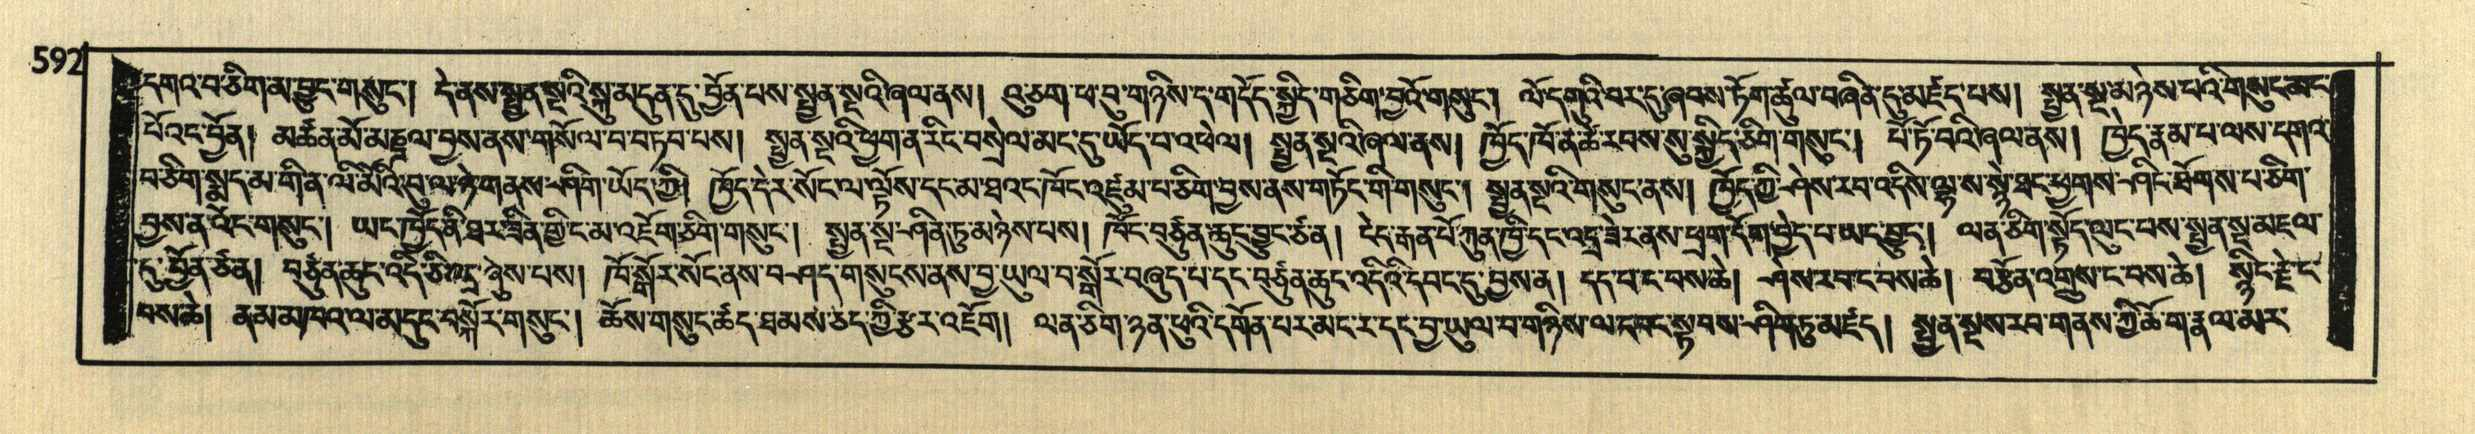དགའ་བ་ཅིག་མ་བྱུང་གསུང་། དེ་ནས་སྤྱན་སྔའི་སྐུ་མདུན་དུ་བྱོན་པས་སྤྱན་སྔའི་ཞལ་ནས། འུ་ཅག་ཕ་བུ་གཉིས་ད་གདོད་སྐྱིད་གཅིག་བྱའོ་གསུང་། ལོ་དགུའི་བར་དུ་ཞབས་ཏོག་ཚུལ་བཞིན་དུ་མཛད་པས། སྤྱན་སྔ་མཉེས་པའི་གསུང་མང་
པོའང་བྱོན། མཚན་མོ་མཎྜལ་བྱས་ནས་གསོལ་བ་བཏབ་པས། སྤྱན་སྔའི་ཕྱག་ན་རིང་བསྲེལ་མང་དུ་ཡོད་པ་འཕེལ། སྤྱན་སྔའི་ལྮལ་ན། ཁྱོད་ཁོ་ན་ཚེ་རབས་སུ་སྐྱིད་ཅིག་གསུང་། པོ་ཏོ་བའི་ཞལ་ནས། ཁྱེད་རྣམ་པ་ལས་དགའ་
བ་ཅིག་སྨད་མ་གིན་ལི་མེའི་བུ་ལ་ཉེ་གནས་ཤིག་ཡོད་ཀྱི། ཁྱོད་དེར་སོང་ལ་ལྟོས་དང་མ་ཐའང་ཁོང་འཛུམ་པ་ཅིག་བྱས་ནས་གཏོང་གི་གསུངས། སྤྱན་སྔའི་གསུང་ནས། ཁྱོད་ཀྱི་ཤེས་རབ་འདིས་ལྷ་ས་སྙེ་ཐང་ཕྱགས་ཤིང་ཐོགས་པ་ཅིག་
བྱས་ན་འོང་གསུང་། ཡང་ཁྱོད་ནི་ཐར་ཟིན་གྱི་ང་མ་འཇོག་ཅིག་གསུང་། སྤྱན་སྔ་ཤིན་ཏུ་མཉེས་པས། ཁོང་བཙུན་ཆུང་བྱུང་ཙ་ན། ངེད་རྒན་པོ་ཀུན་ཁྱི་དང་འདྲ་ཟེར་ནས་ཕྲག་དོག་བྱེད་པ་ཡང་བྱུང་། ལན་ཅིག་སྟོད་ལུང་པས་སྤྱན་སྔ་མཇལ་
དུ་བྱོན་ཙ་ན། བཙུན་ཆུང་འདི་ཅི་འདྲ་ཞུས་པས། ཁོ་སྒོར་སོང་ནས་བཤད་གསུངས་ནས་བྱ་ཡུལ་བ་སྒོར་བཞུད་པ་དང་བཙུན་ཆུང་འདིའི་དབང་དུ་བྱས་ན། དད་པ་ང་བས་ཆེ། ཤེས་རབ་ང་བས་ཆེ། བརྩོན་འགྲུས་ང་བས་ཆེ། སྙིང་རྗེ་ང་
བས་ཆེ། ནམ་མཁའ་ལ་མདུང་བསྐོར་གསུང་། ཆོས་གསུང་ཚད་ཐམས་ཅད་ཀྱི་རྩར་འཇོག། ལན་ཅིག་ཉན་ཕུའི་དགོན་པར་མང་ར་དང་བྱ་ཡུལ་བ་གཉིས་ལ་དབང་སྟབས་ཤིག་ཏུ་མཛད། སྤྱིན་སྔས་རབ་གནས་ཀྱི་ཆོ་ག་རྣལ་མར་